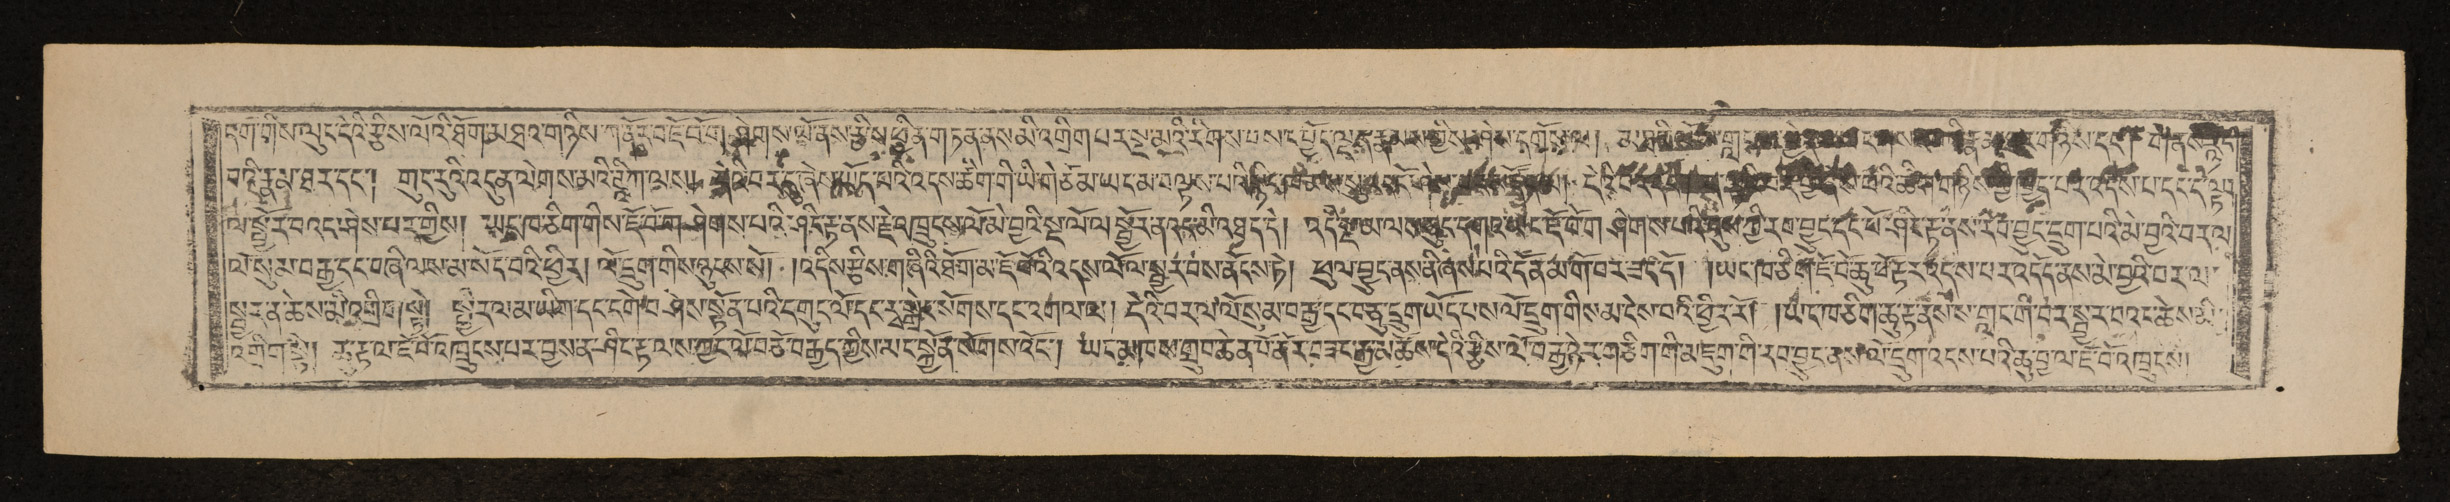དག་གིས་ལུང་དེའི་རྩིས་ལོའི་ཐོག་མཐའ་གཉིས་ཀ་ནོར་བ་ཇོ་བོ་གཤེགས་ལོ་ནས་རྩིས་ཕྱིན་གཏན་ནས་མི་འགྲིག་པར་སྔ་མའི་རིགས་པས་དབྱོད་ལྡན་རྣམས་ཀྱིས་ཤེས་དགོས་ལ། མཐའི་ལོ་ས་གླང་ལ་བྱེད་པ་ཡང་གསང་བའི་རྣམ་ཐར་གཉིས་དང་། གནས་རྙིང་
བའི་རྣམ་ཐར་དང་། གུང་རུའི་འདུན་ལེགས་མའི་ཊཱིཀྐ་ལས། དེའི་བར་དུ་ཞེས་ཡོད་པའི་འདས་ཚིག་གི་ཡི་གེ་ཙམ་ཡང་མ་བལྟས་པའི་སྙིང་ཁམས་སུ་རང་ངོ་ཤེས་པར་མཛོད་ལ། དེའི་བར་དང་། ད་ལྟའི་བར་གྱི་ཞེས་པའི་ཚིག་གཉིས་ཀྱི་ཁྱད་པར་འདས་པ་དང་ད་ལྟར་
ལ་སྦྱོར་བའང་ཤེས་པར་གྱིས། ཡང་ཁ་ཅིག་གིས་ཇོ་བོ་གཤེགས་པའི་ཤིང་རྟ་ནས་རྗེ་འཁྲུངས་ལོ་མེ་བྱའི་སྔ་ལོ་ལ་སྦྱོར་ནའང་མི་འཐད་དེ། འདི་སྔ་མ་ལས་ཅུང་དགའ་ཡང་ཇོ་བོ་གཤེགས་པའི་དུས་ཀྱི་རབ་བྱུང་དང་བོ་ཤིང་རྟ་ནས་རབ་བྱུང་དྲུག་པའི་མེ་བྱའི་བར་ལ་
ལོ་སུམ་བརྒྱ་དང་བཞི་ལས་མ་སོང་བའི་ཕྱིར། ལོ་དྲུག་གིས་ཉུངས་སོ། །འདིས་རྩིས་གཞིའི་ཐོག་མ་ཇོ་བོའི་འདས་ལོ་ལ་སྦྱར་བས་ནོངས་ཏེ། ཕུལ་བྱུང་ནས་ནི་ཞེས་པའི་དོན་མ་གོ་བར་ཟད་དོ། །ཡང་ཁ་ཅིག་ཇོ་བོ་ཆུ་ཕོ་རྟར་འདས་པར་འདོད་ནས་མེ་བྱའི་བར་ལ་
སྦྱར་ན་ཆེས་མི་འགྲིག་སྟེ། སྤྱིར་ལམ་ཡིག་དང་དགེ་བཤེས་སྟོན་པའི་དགུང་ལོ་དང་རྭ་སྒྲེང་སོགས་དང་འགལ་ལ། དེའི་བར་ལ་ལོ་སུམ་བརྒྱ་དང་བཅུ་དྲུག་ཡོད་པས་ལོ་དྲུག་གིས་མ་དེས་པའི་ཕྱིར་རོ། །ཡང་ཁ་ཅིག་ཆུ་རྟ་ནས་ས་གླང་གི་བར་སྦྱར་བའང་ཆེས་མི་
འགྲིག་སྟེ། ཆུ་རྟ་ལ་ཇོ་བོ་འཁྲུངས་པར་བྱས་ན་ཤིང་རྟ་ལས་ཀྱང་ལོ་བཅོ་བརྒྱད་ཀྱིས་མང་སྐྱོན་སོགས་འོང་། ཡང་མཁས་གྲུབ་ཆེན་པོ་ནོར་བཟང་རྒྱ་མཚོས་དེའི་རྩིས་ལོ་བརྒྱ་ཉེར་གཅིག་གི་མཇུག་གི་རབ་བྱུང་ནས་ལོ་དྲུག་འདས་པའི་ཆུ་བྱ་ལ་ཇོ་བོ་འཁུངས།